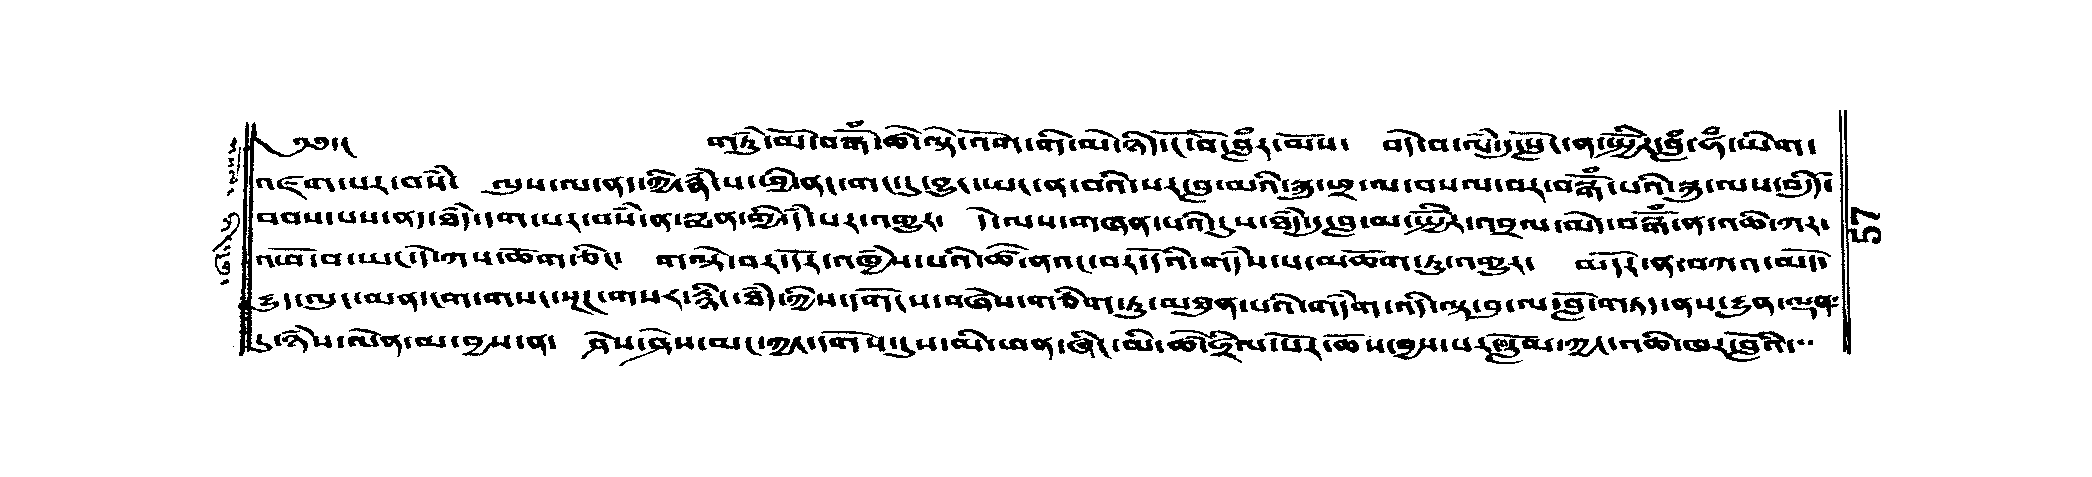གཏུམ་མོ་བསྒོམ་ཚེ་ལྟེ་འོག་གི་མེ་ཉིད་ངོ་བོ་བླ་མར་མོས། བདེ་བ་ལམ་དུ་སློང་ན་སྤྱི་བོར་བླ་མ་ཧཾ་ཡིག་
འཛག་པར་བསམ། ལུས་ལ་ནད་ཀྱི་རྣམ་པ་ཕྱི་ནང་གང་དུ་བྱུང་ཡང་ན་བའི་སར་བླ་མའི་སྐུ་ཕྲ་ལ་གསལ་བར་བསྒོམ་པའི་སྐུ་ལས་བདུད་རྩི་
བབས་པས་ནད་ཐམས་ཅད་དག་པར་བསམ་ན་སྨན་གྱི་དམ་པར་འགྱུར། དེ་ལས་གཞན་པའི་དུས་ཐམས་ཅད་དུ་བླ་མ་སྤྱི་བོར་འབྲལ་མེད་བསྒོམ་ན་འཆི་ཀར་
འཕོ་བ་ཡང་དེ་ཀས་ཆོག་ཅིང་། གལ་ཏེ་བར་དོར་འཁྱམས་པའི་ཚེ་ནའང་བར་དོའི་གདམས་པ་མཆོག་ཏུ་འགྱུར། མདོར་ན་བཀའ་མདོ་
རྒྱུད་ལུང་མན་ངག་གསང་སྔགས་གསར་རྙིང་ཐམས་ཅད་ཀྱིས་དགོངས་བཞེད་གཅིག་ཏུ་མཐུན་པའི་གདམས་ངག་འདི་ལྟ་བུ་ལ་བློ་གཏད་ནས་རྒྱུན་ལྡན་
དུ་ཉམས་ལེན་མ་བྱས་ན། ཤེས་ཤེས་མང་ཀྱང་དགོས་དུས་མི་ཕན་ཞིང་མི་ཚེ་ཧྲིལ་པོར་ཆོས་བྱས་པར་བརློམ་ཀྱང་འཆི་ཁར་བློའི་